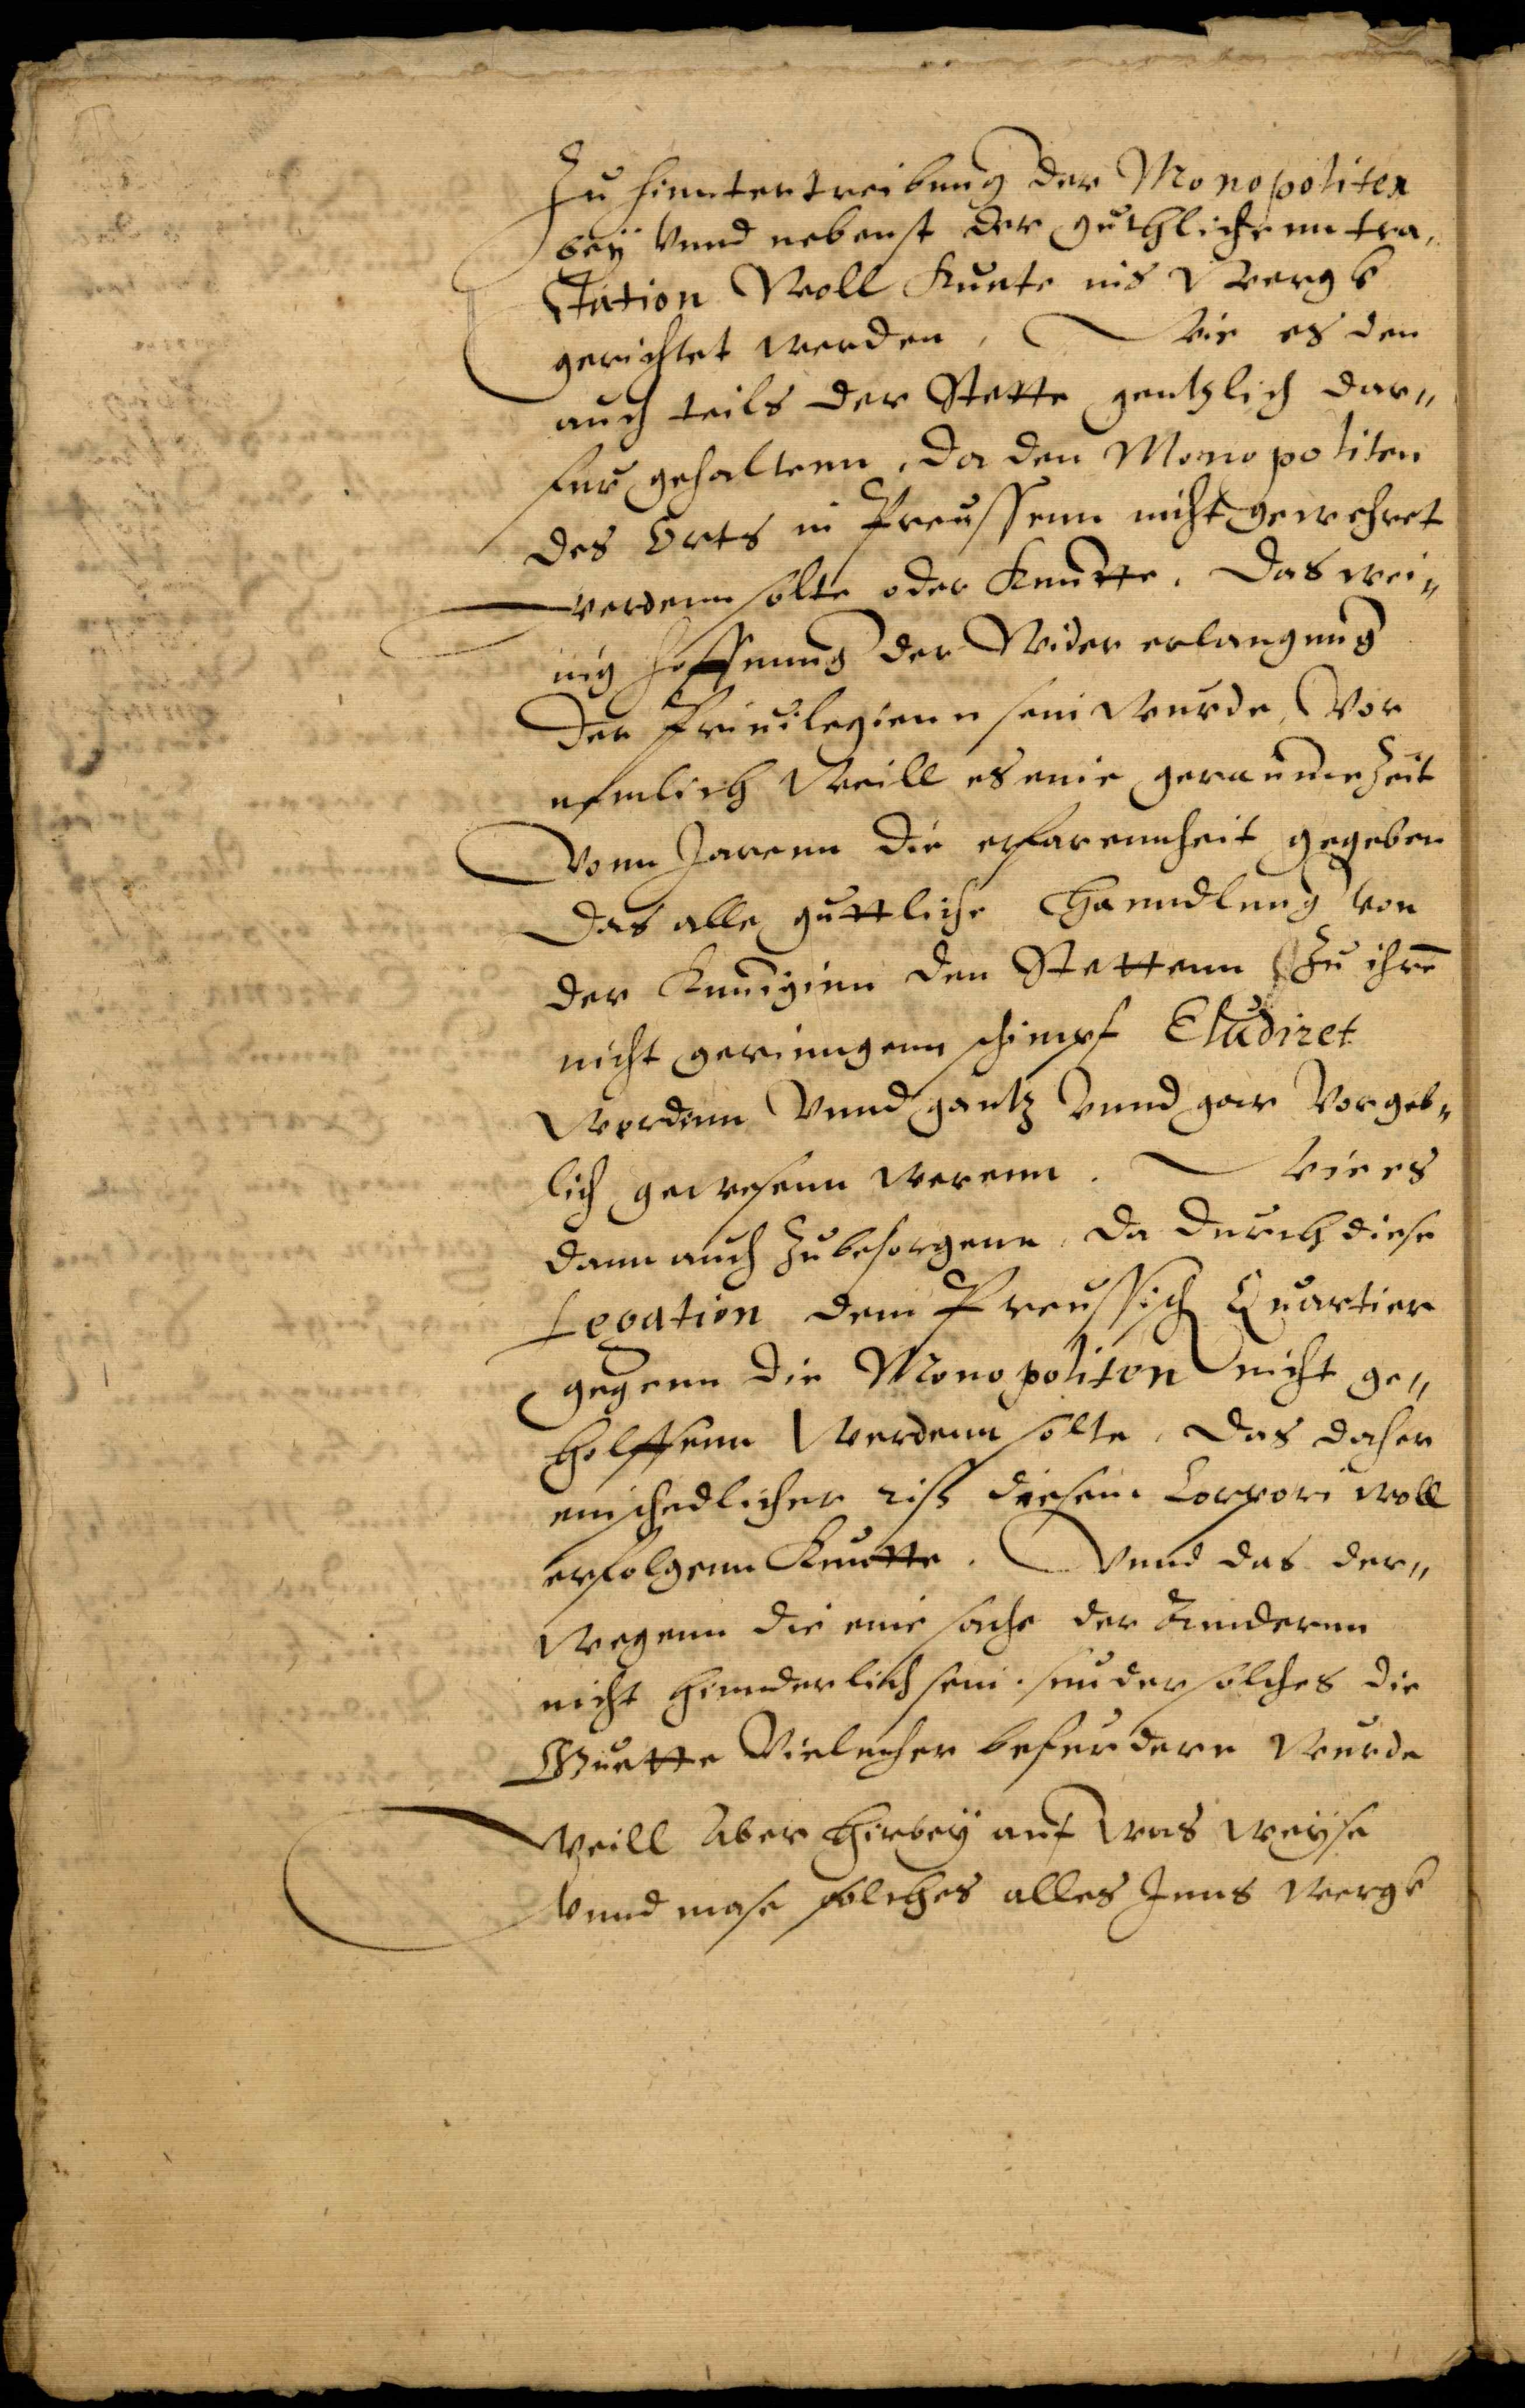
zu hinntertreibung der Monopoliten
beij vnnd nebenst der guthlichenn tra¬
ctration woll kunte ins Wergk
gerichtet werden, Wie es den
auch teils der Stette gentzlich dar¬
fur gehaltenn, da den Monopoliten
des Orts in Preussenn nicht gewehret
Werdenn solte oder Kuntte, Das wei¬
nig Hoffnung der Wider erlangung
der Priuilegienn sein wurde, Vor
nemlich Weill es eine geraume Zeit
Vonn Jarenn die erfarenheit gegeben
Das alle guttliche Hanndlung von
der Kuniginn den Stettenn zu ihren
nicht gerinngenn schimpf Eludiret
Werdenn Vnnd gantz Vnnd gar Vorgeb¬
lich gewesenn werenn, Wie es
dann auch zu besorgenn, da durch diese
Legation dem Preussischen Quartier
gegenn die Monopoliten nicht ge¬
Holffenn Werdenn solte, Das daher
ein schedlicher riß diesem Corpori woll
erfolgenn Kuntte, Vnnd das der¬
wegenn die eine sache der Anndernn
nicht Hinderlich sein, sunder solches die
Guette Vielmher befurdern wurde
Weill Aber Hirbeij auf Was weijse
vnnd mase solches alles Inns wergk
